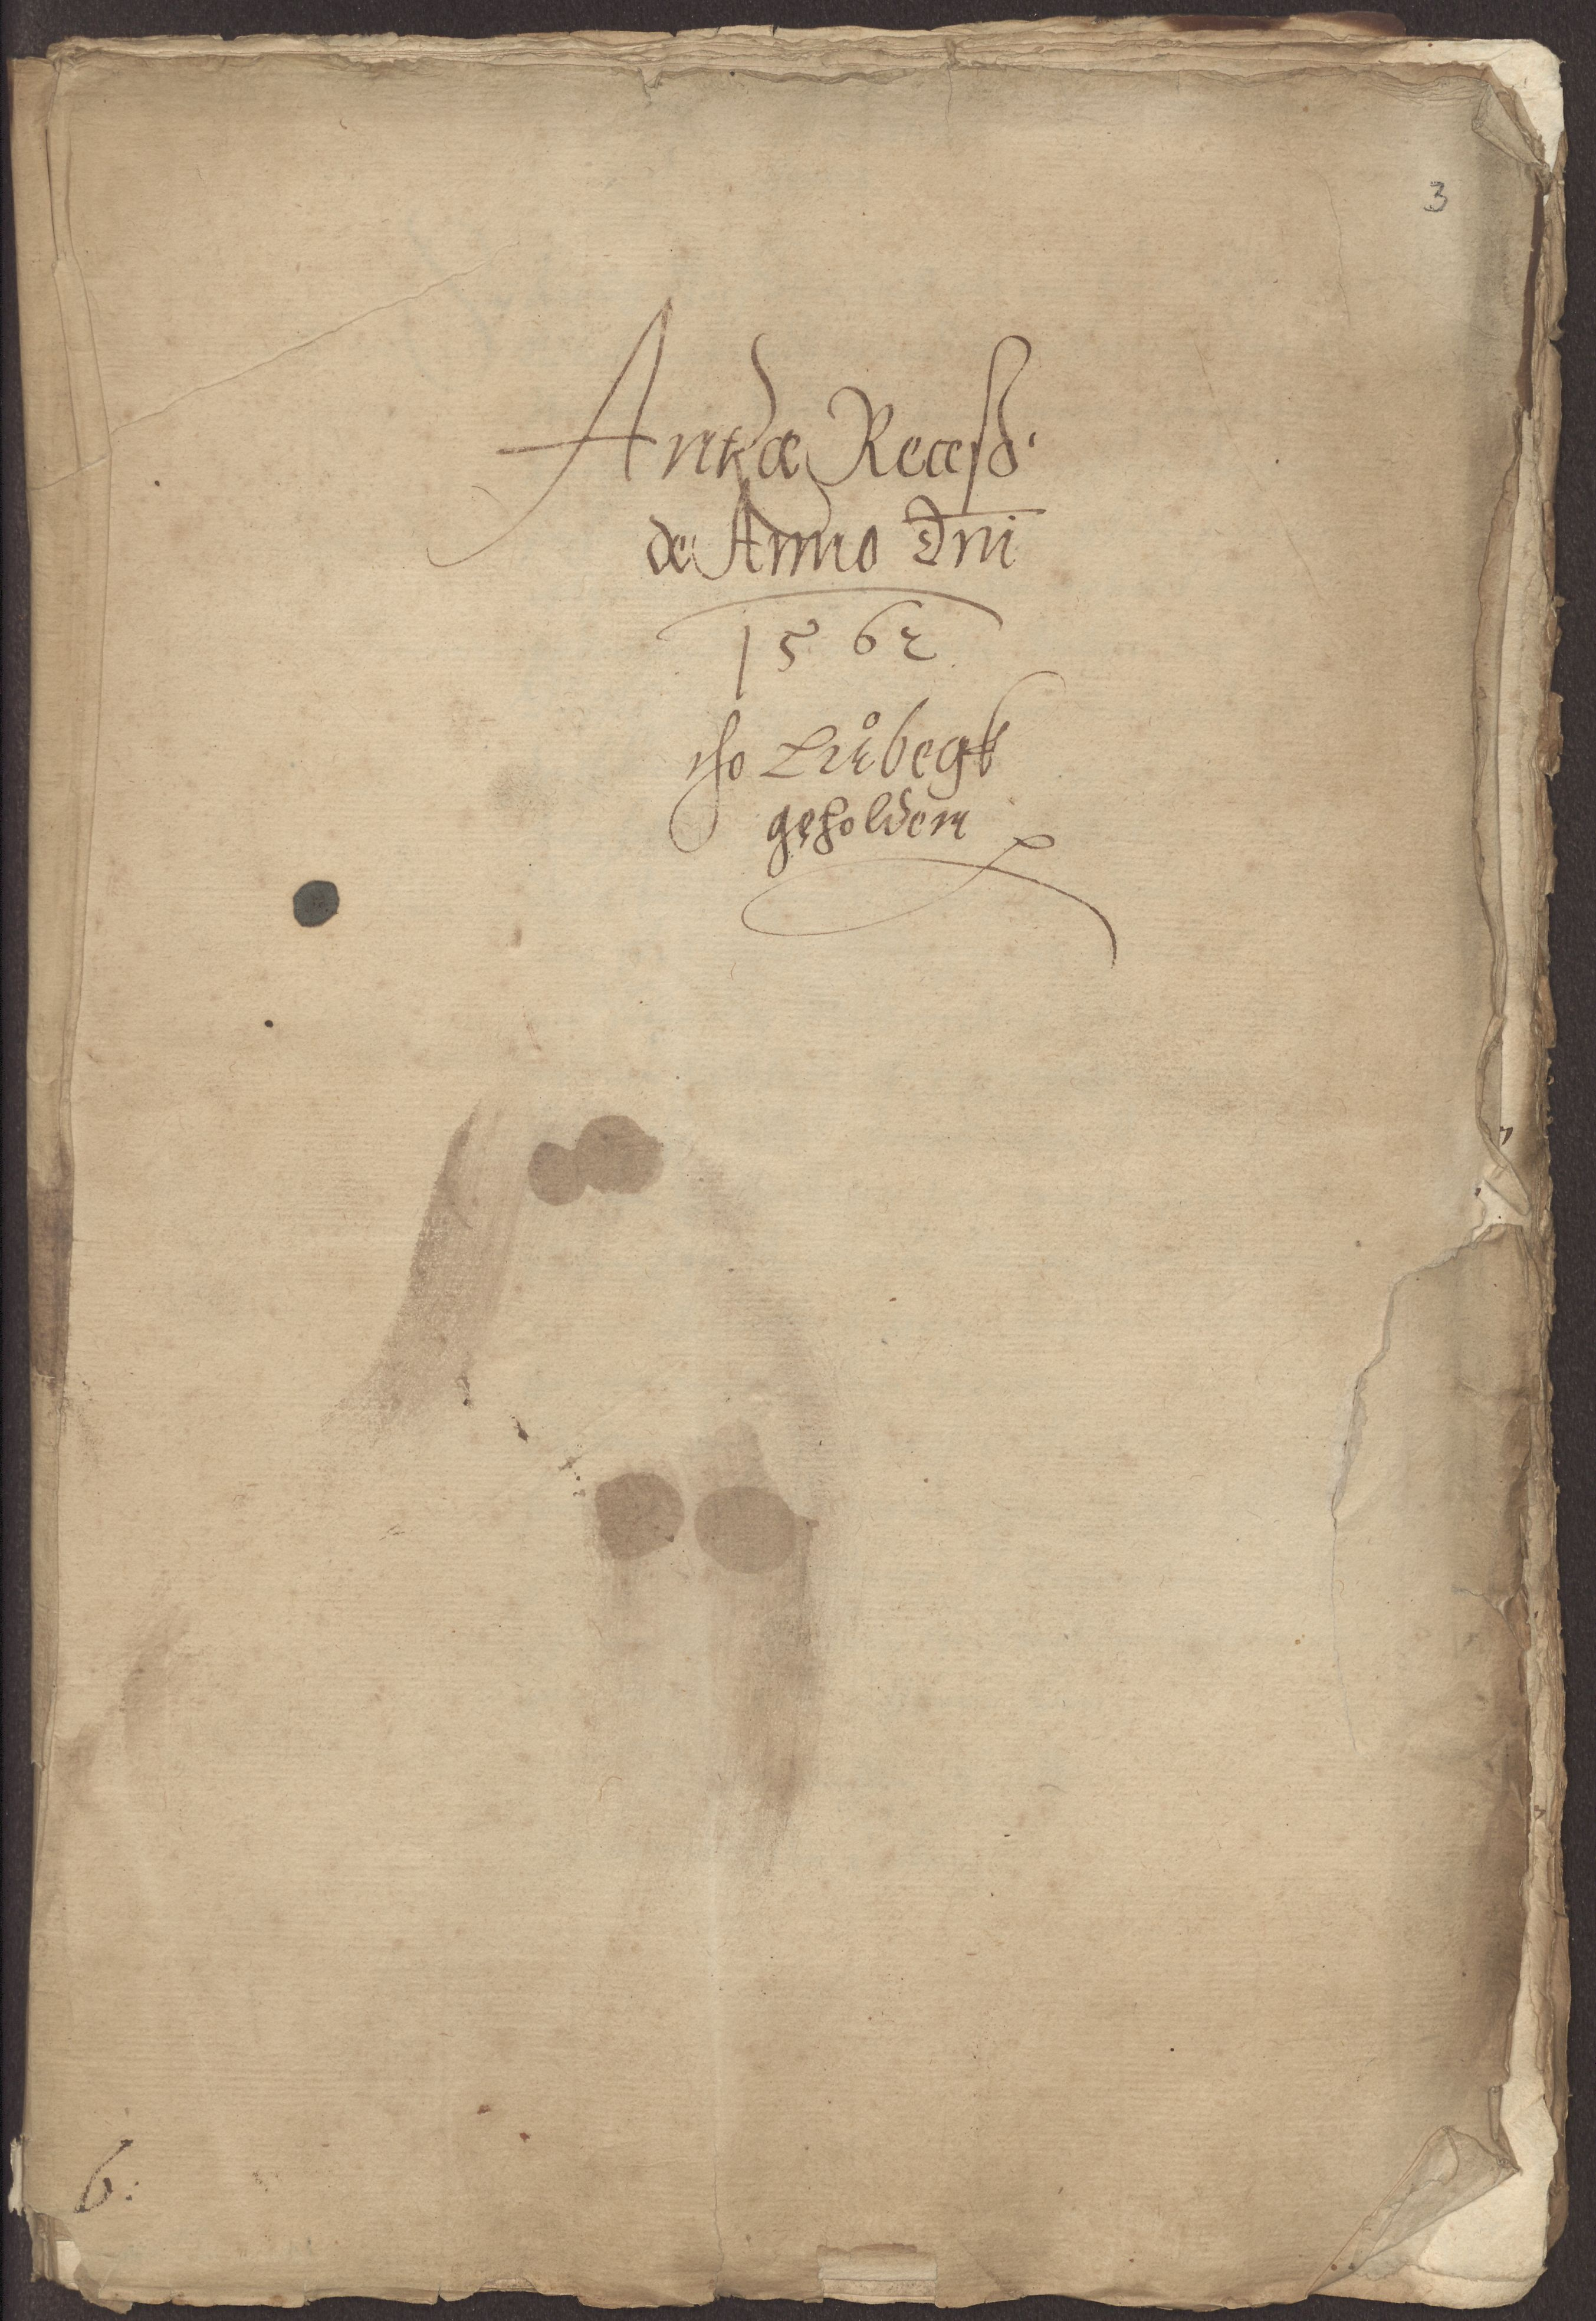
Antzae Receß.
de Anno Domini
1562
tho Lubegk
geholden etc
6.
